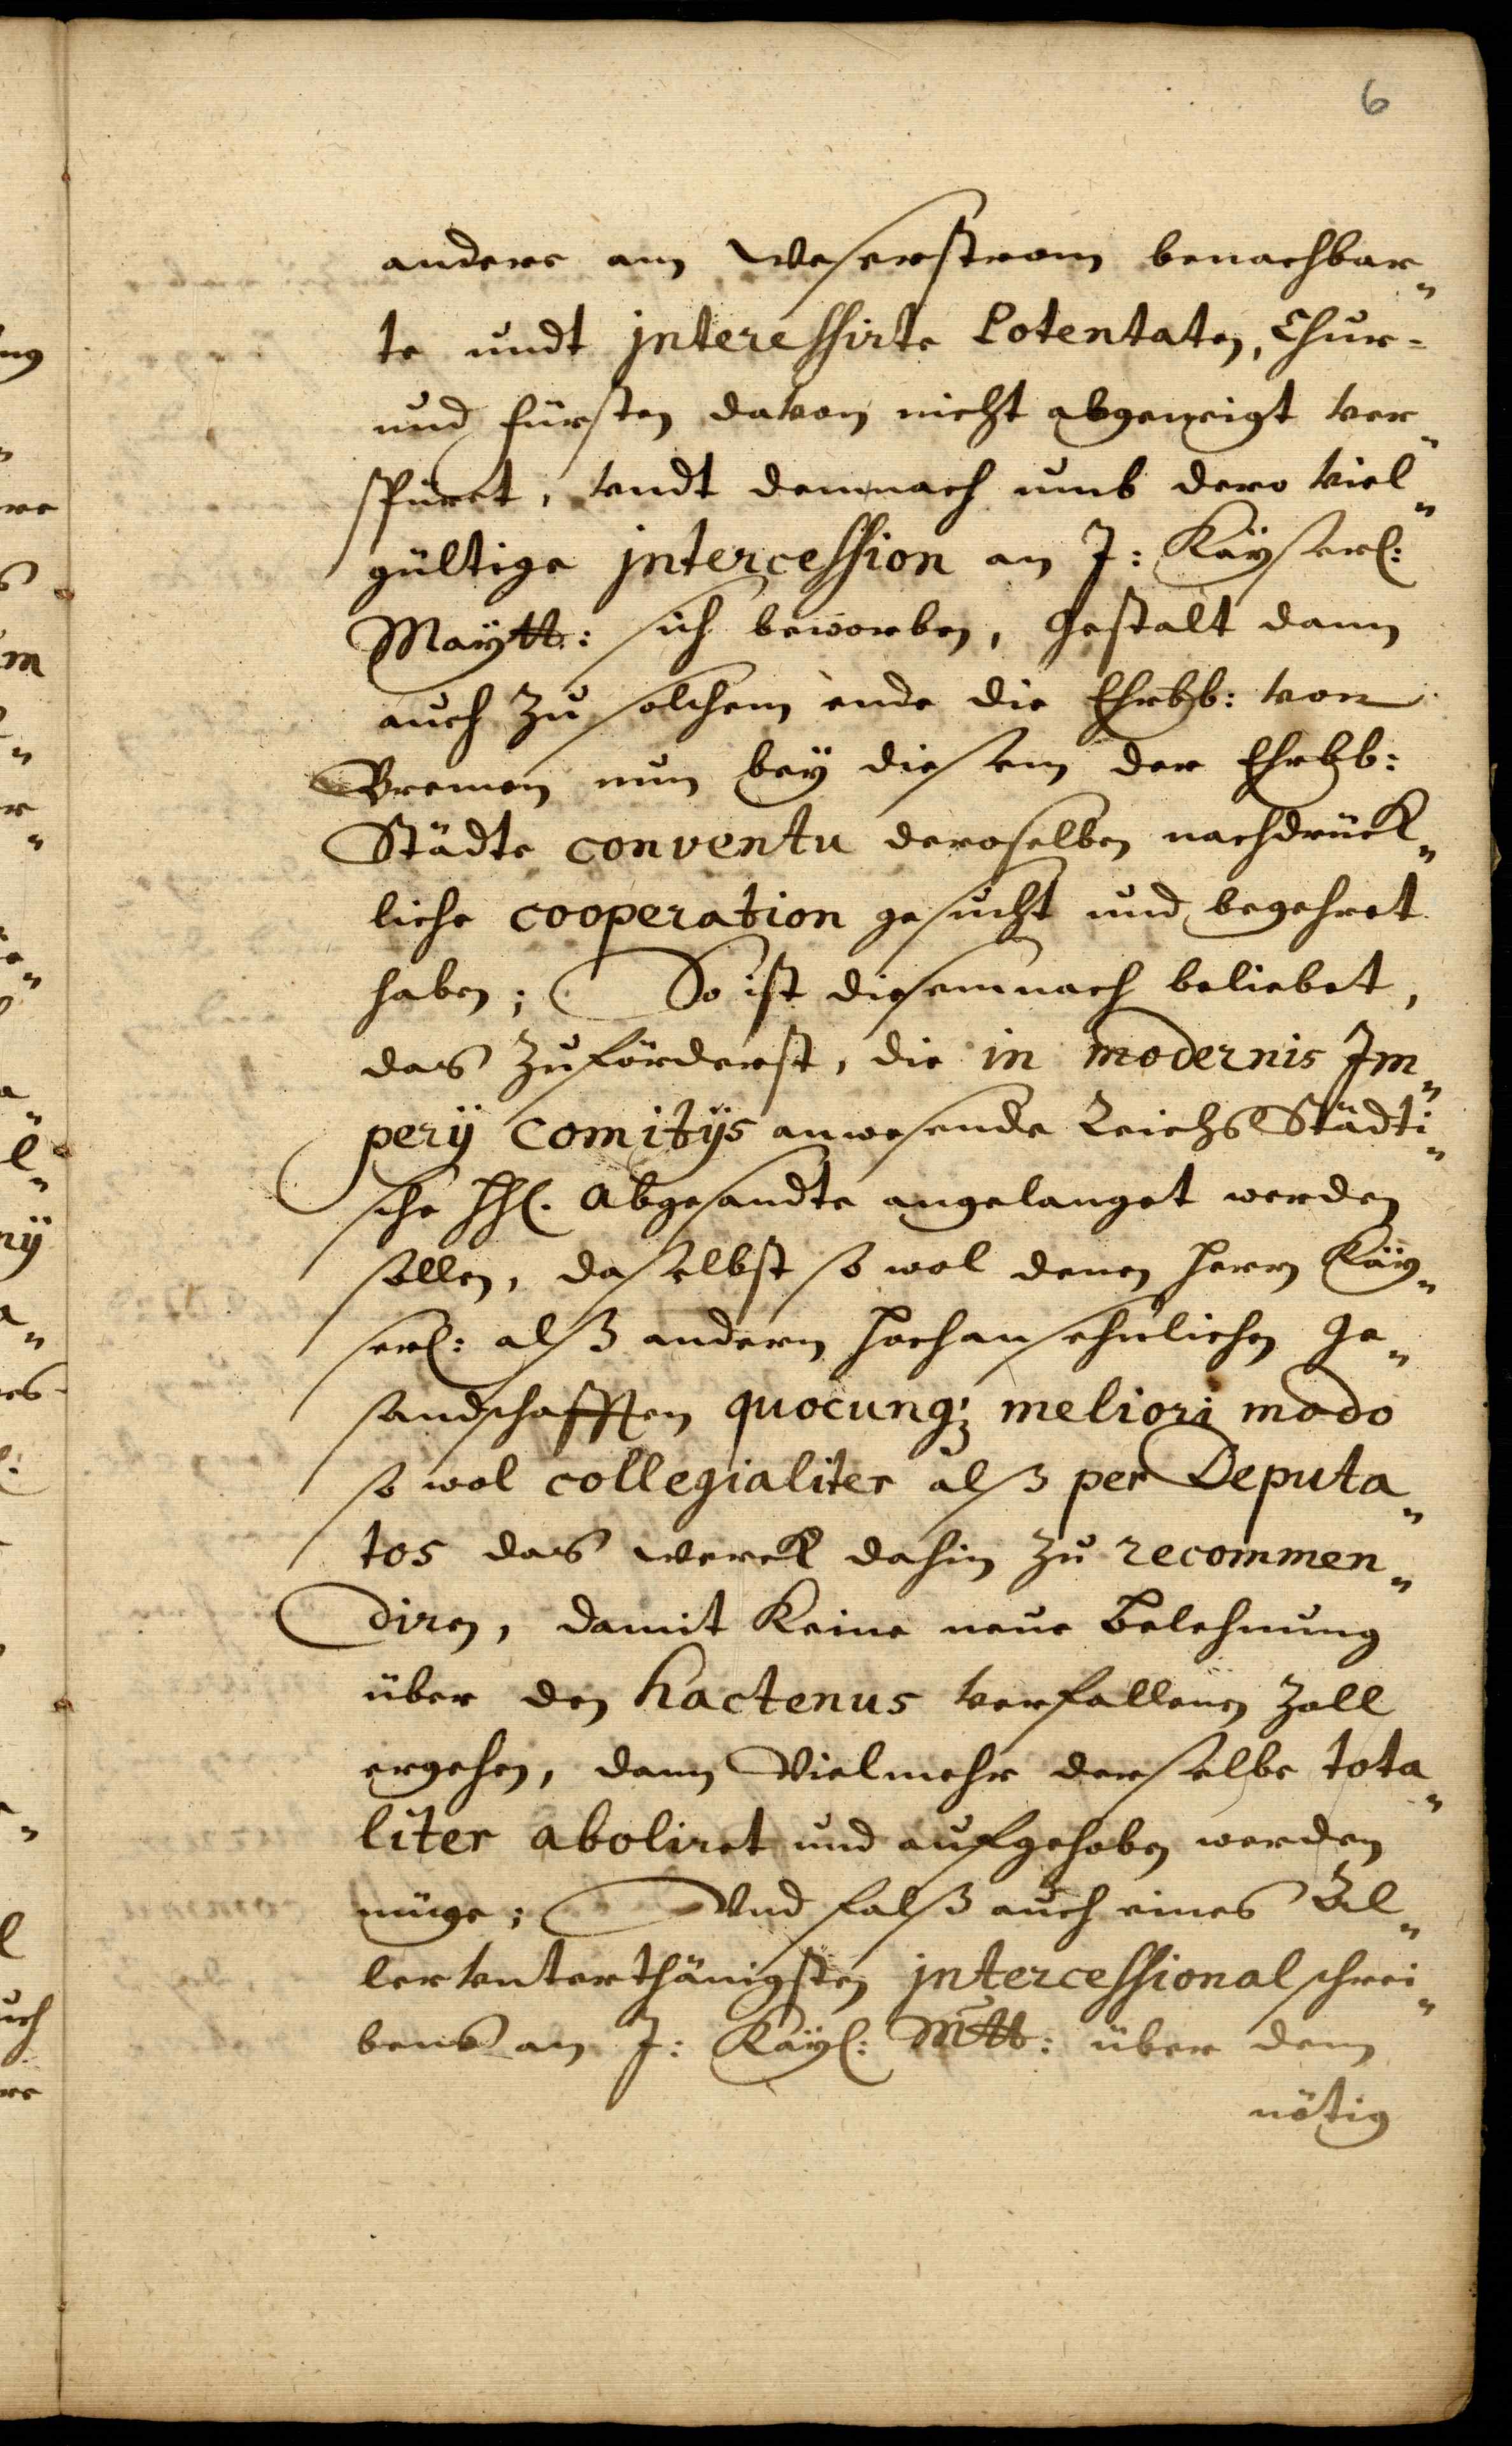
anderer am Weserstrom benachbar¬
te undt jnteressirte Potentaten, Chur=
und Fürsten davon nicht abgeneigt ver¬
spüret, vndt demnach umb dero viel¬
gültige jntercession an J: Kaijserl:
Maijtt: sich beworben, Gestalt dann
auch zu solchem ende die Ehrbb: von
Bremen nun beij diesem der Ehrbb:
Städte conventu deroselben nachdrück¬
liche cooperation gesucht und begehret
haben; So ist diesem nach beliebet,
das zuförderst, die in modernis Jm¬
perij comitijs anwesende Reichs Städti¬
sche hh. Abgesandte angelanget werden
sollen, daselbst so wol denen Herrn Kaij¬
serl: als anderen hochansehnlichen Ge¬
sandschafften quocunque meliori modo
so wol collegialiter alß per Deputa¬
tos das werck dahin zu recommen¬
diren, damit keine neue Belehnung
über den hactenus verfallenen Zoll
ergehen, dann vielmehr derselbe tota¬
liter aboliret und aufgehoben werden
müge; Vnd falß auch eines Al¬
lervnterthänigsten jntercessional schrei¬
bens an J: Kaijl: Mtt: über dem
nötig
